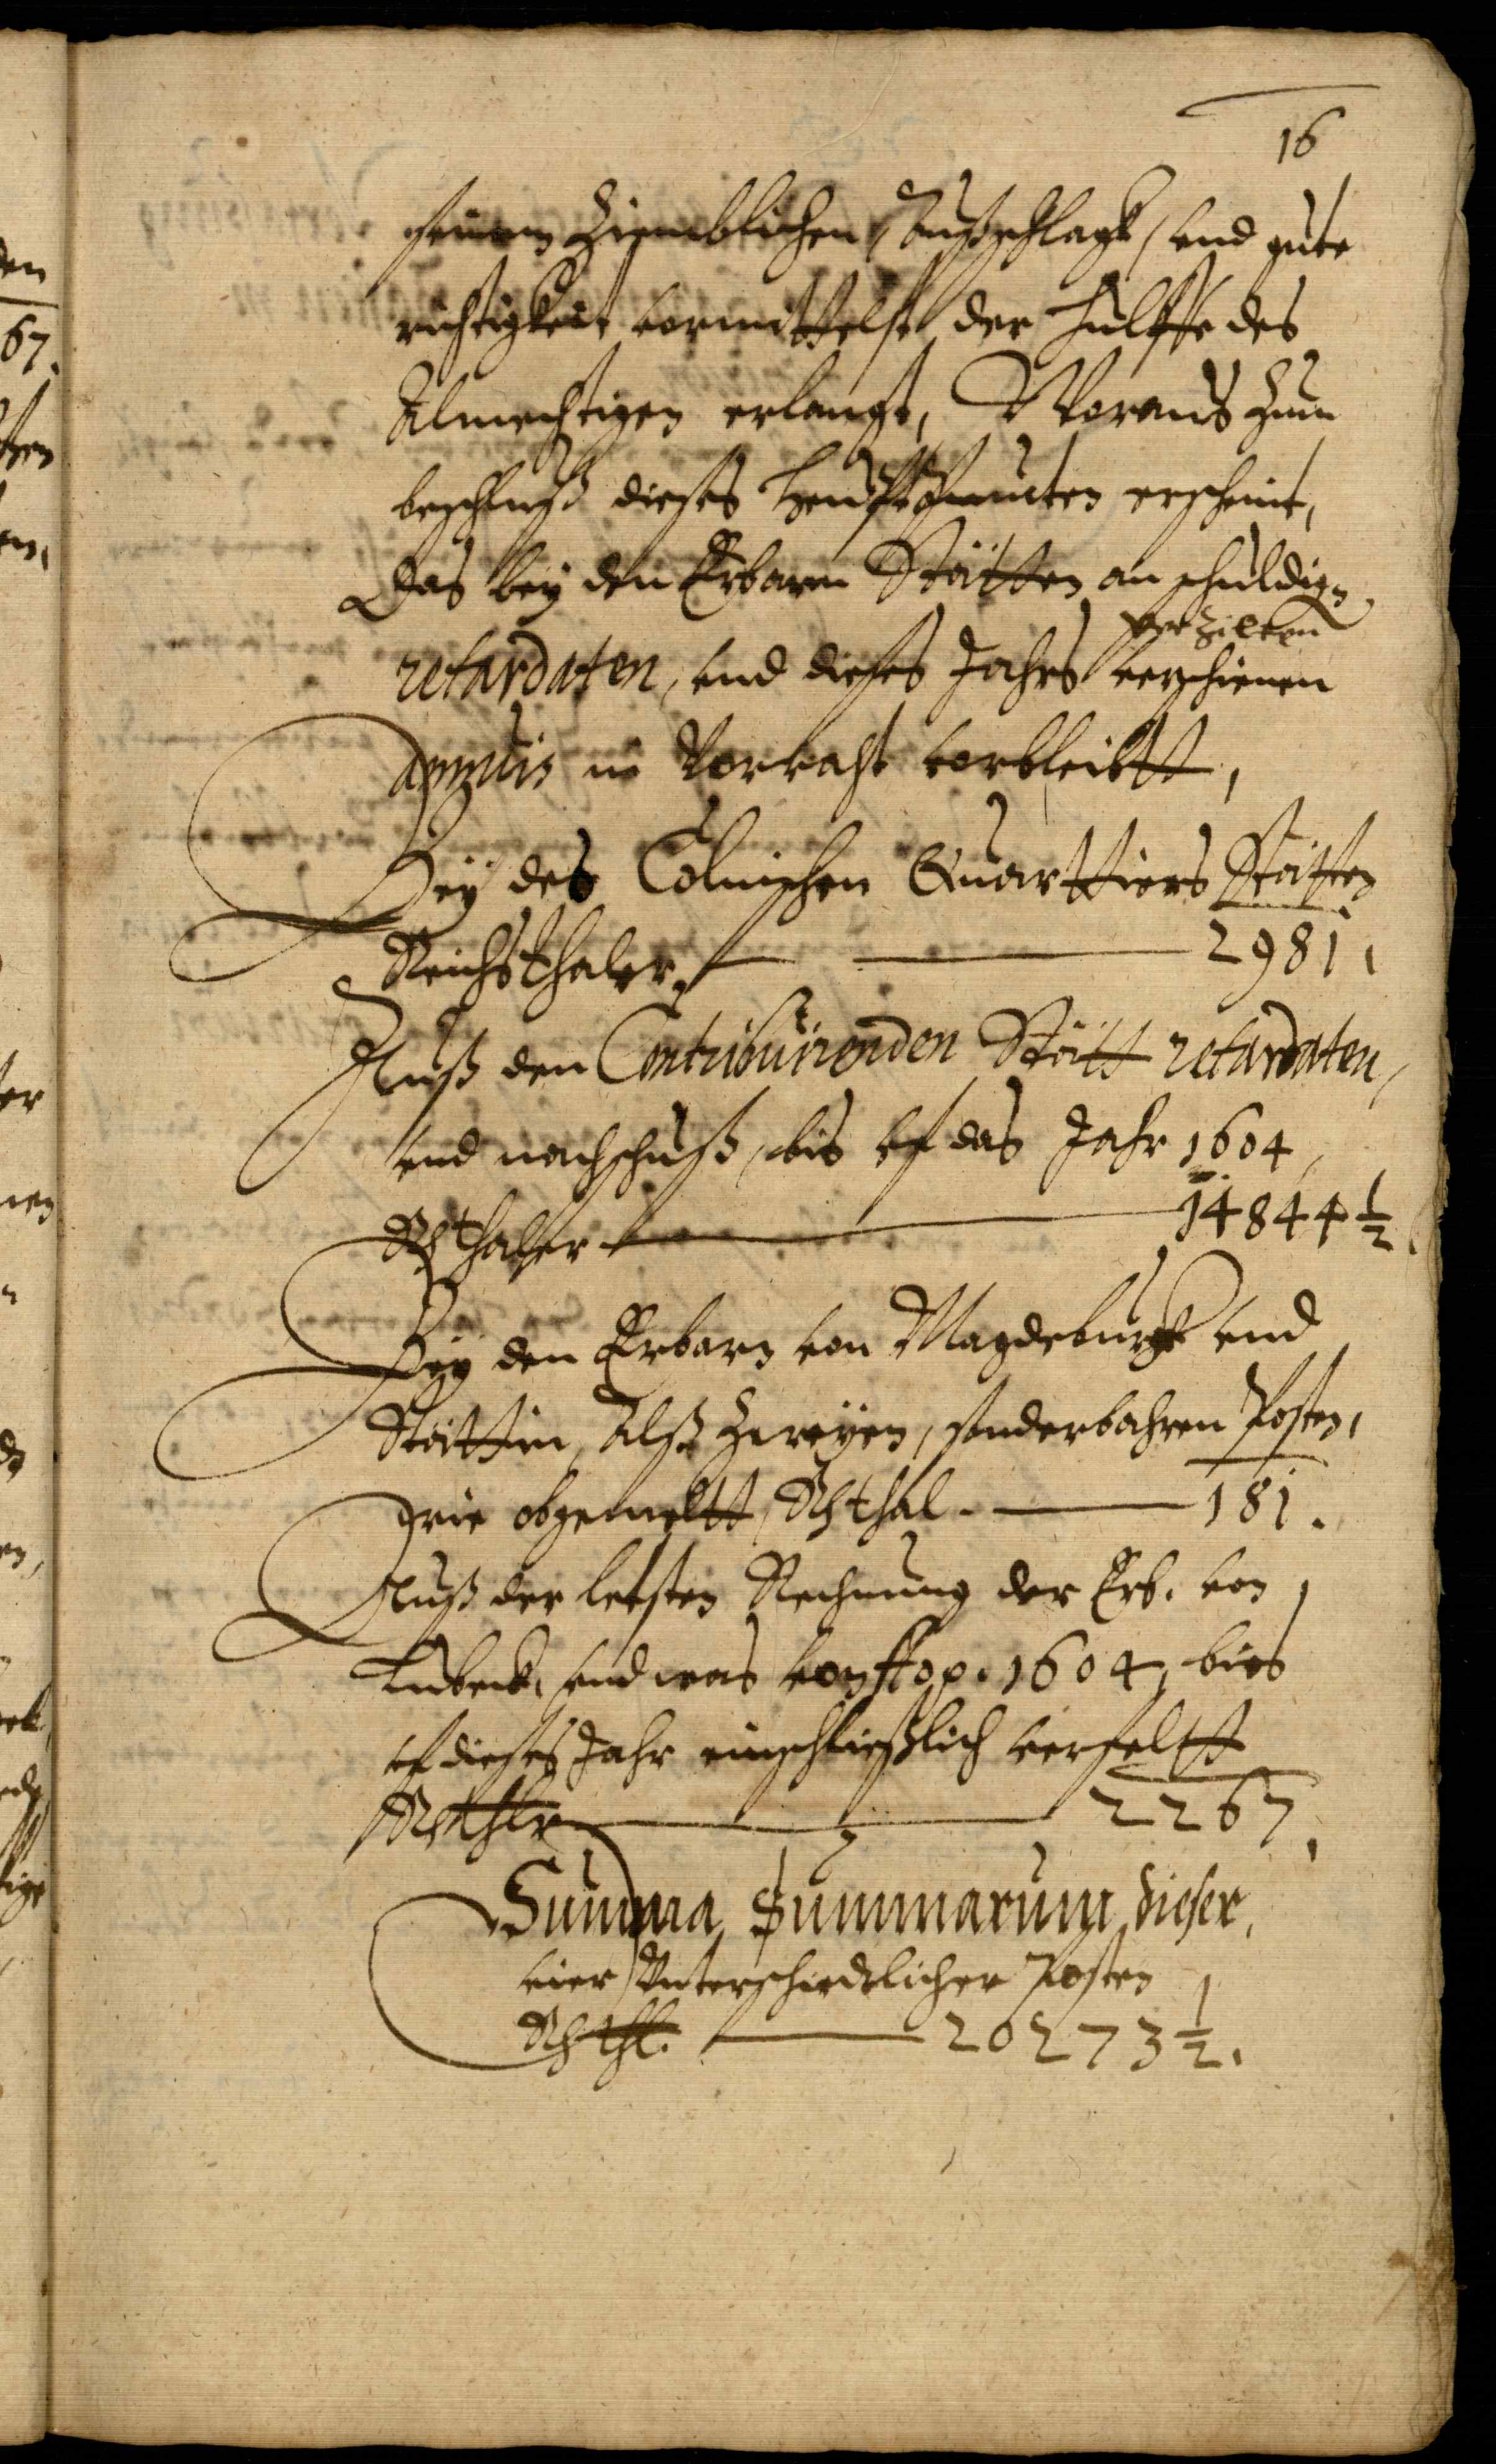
16
seinen ziemblichen außschlagk, vnd gute
richtigkeit vormittelst der hulffe des
Almechtigen erlangt, Woraus zum
beschluß dieses Haupt Punctes erscheint,
das beij den Erbarn Stätten an schuldigen
verzilten
retardaten, vnd dieses Jahres verschienen
annuis in vorraht vorbleibtt,
Beij des Colnischen Quarttieres Stätten
Reichsthaler _ 2981,
Auß den Contribuirenden Stätt retardaten,
vnd nachschuß, bis auf das Jahr 1604,
Rhthaler _ 14844 ½,
Beij den Erbarn von Magdeburgk vnd
Stättin, alß zweijen, sonderbahren Posten,
wie obgemeltt Rhthal _ 181
Auß der letsten Rechnung der Erb. von
Lubeck sind was von Ao p. 1604 bis
vf dieses Jahr einschließlich verfaltt
Reichsthaler _ 2267,
Summa summarum dieser,
vier vnterschiedlichen Posten
Reichsthaler _ 20273 ½.
